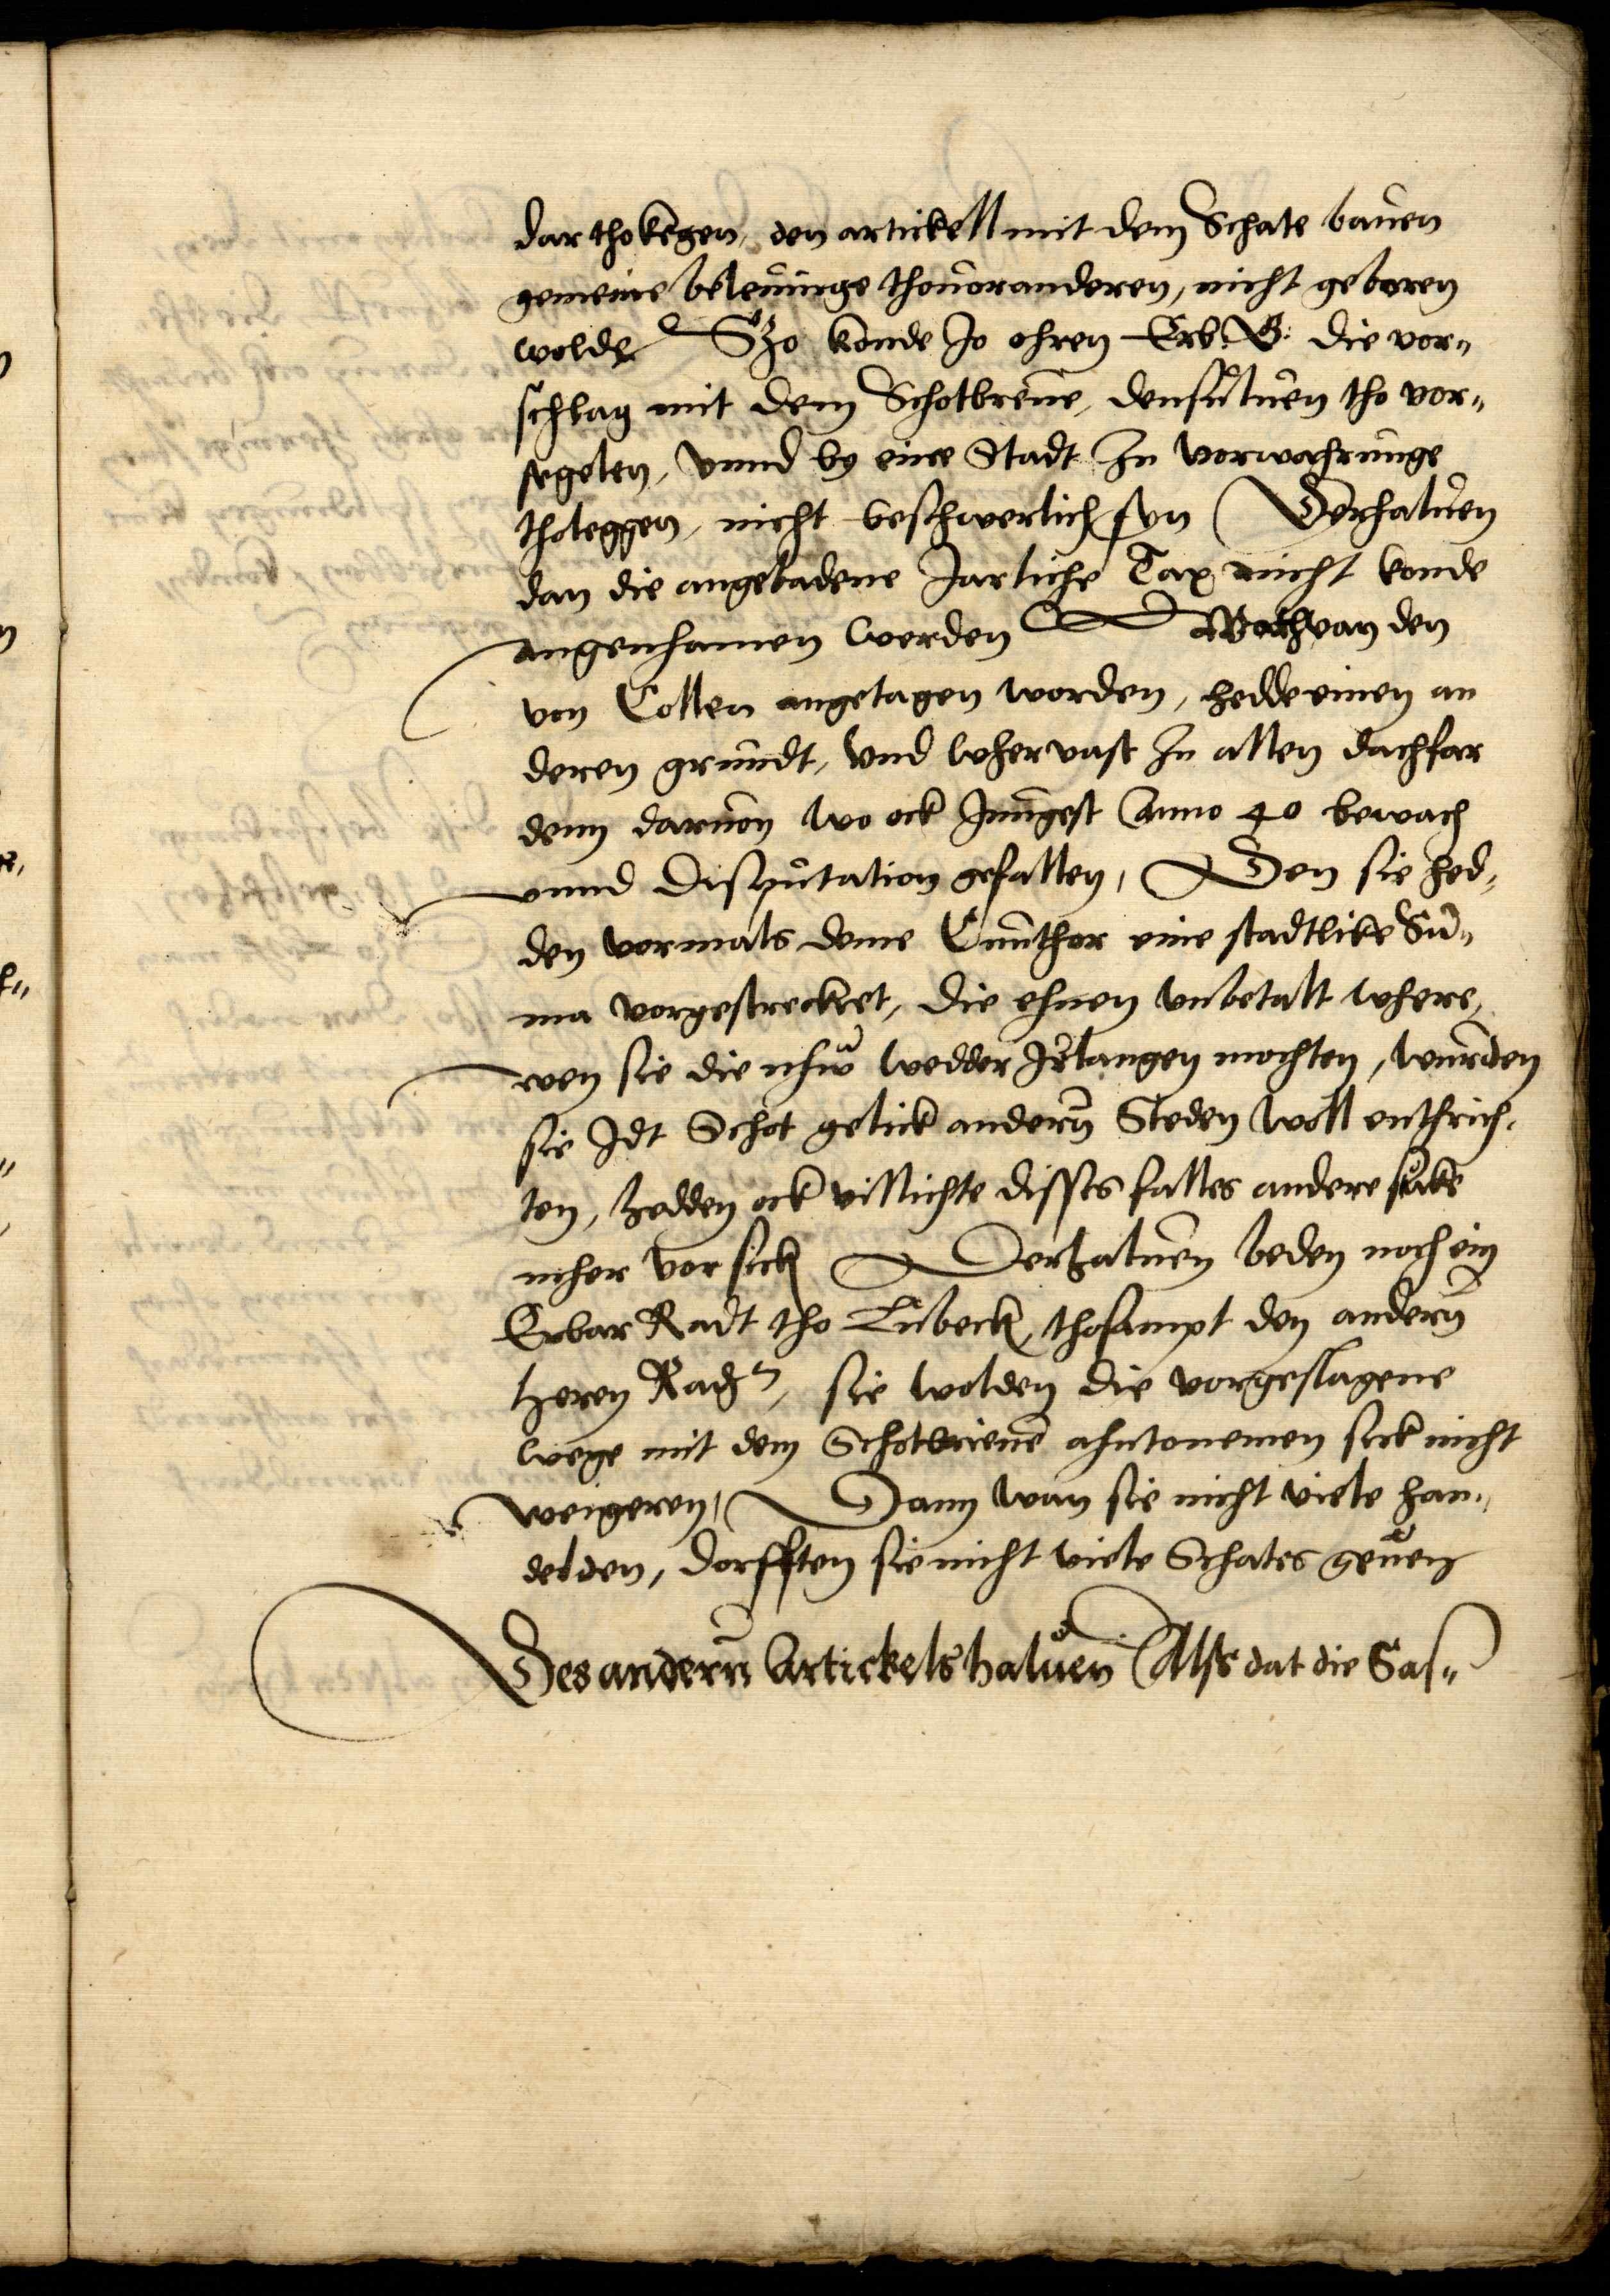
dar tho kegen, den artickell mit dem Schate bauen
gemeine beleuinge thouoanderen, nicht geboren
wolde, Szo konde Io ohren Erb: G: die vor¬
schlag mit dem Schotbreue, densuluen tho vor¬
segelen, vnnd by eine Stadt In vorwahrunge
tholeggen, nicht beschwerlich syn Derhaluen
dan die angebadene Iarliche Tax nicht konde
Angenahmen werden Wath van den
von Collen angetagen worden, hedde einen an
deren grundt, vnd wher vast In allen dachfar
denn daruon wo ock Iungest Anno 40 bewach
vnnd disputation gefallen, Den sie hed¬
den vormals deme Cunthor eine stadtlicke Sum¬
ma vorgestrecket, die ehnen vnbetalt where,
wen sie die nhw wedder Irlangen mochten, wurden
sie Idt Schot gelick andern Steden woll enthrich¬
ten, Hedden ock villichte disses falles andere suke
mher vor sick Derhaluen beden noch ein
Erbar Radt tho Lubeck, thosampt den andern
Heren Radessendeboden, sie wolden die vorgeslagene
wege mit dem Schotbrieue ahntonemen seck nicht
weigeren, Dann wan sie nicht viele han¬
delden, dorfften sie nicht viele Schates geuen
Des andern Artickels haluen Alß dat die Sas¬
